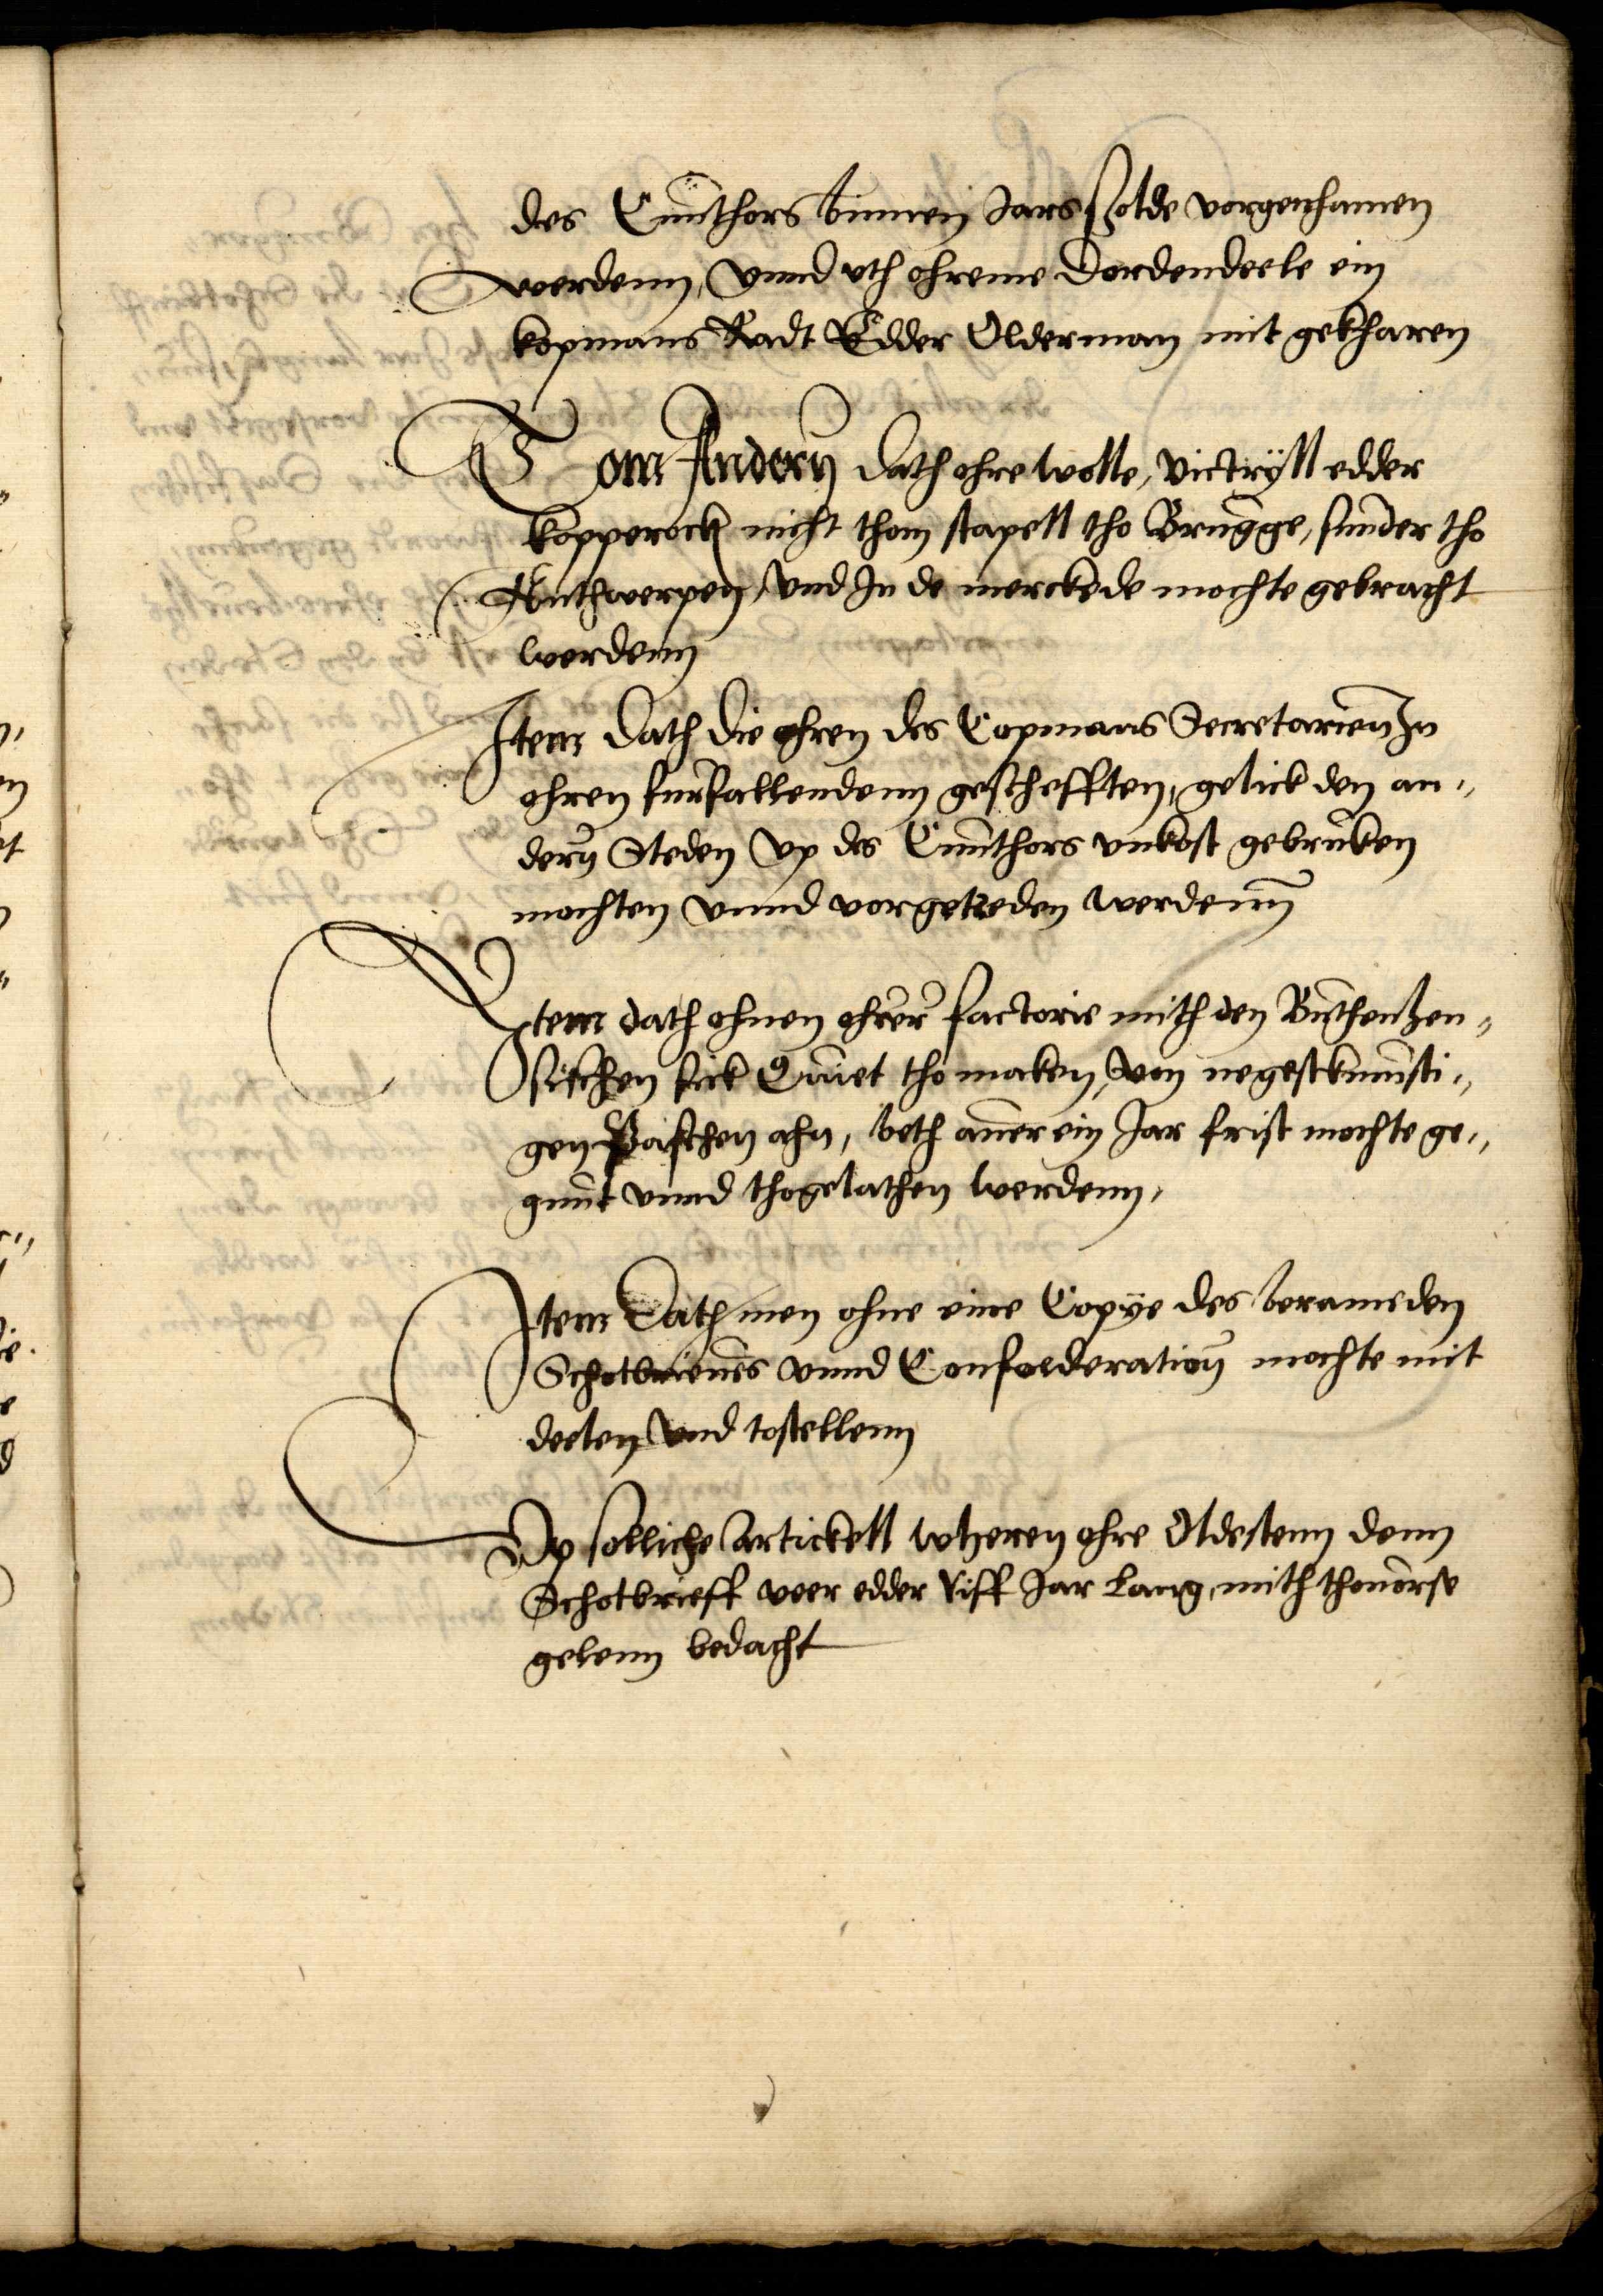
des Cunthors binnen Iars ßolde vorgenhamen
werden, vnnd dath vth ohreme Dordendeele ein
kopmans Radt Eller Olderman mit gekharen
Tom Andern dath ohre wolle, Victrijll edder
Kopperock nicht thom stapell tho Brugge, sunder tho
Anthwerpen, vnd In de merckede mochte gebrachtt
werdenn
Item dath die ohren des Copmans Secretarien In
ohren furfallendenn geschefften, gelick den an¬
dern Steden vp des Cunthors vnkost gebruken
mochten vnnd vorgetreden werdenn
Item dath ohnen ohrer factorie mith den Buthenhen¬
sischen sick Quiet tho maken, von negestkumsti¬
gen Paschen ahn, beth auer ein Iar frist mochte ge¬
gunt vnnd thogelathen werdenn,
Item Dath men ohne eine Copije des berameden
Schotbrieues vnnd Confoederation mochte mit
deelen vnd tostellenn
Vp solliche Artickell wheren ohre Oldestenn denn
Schotbrieff veer edder Viff Iar Lang, mith thouorse
gebenn bedacht
